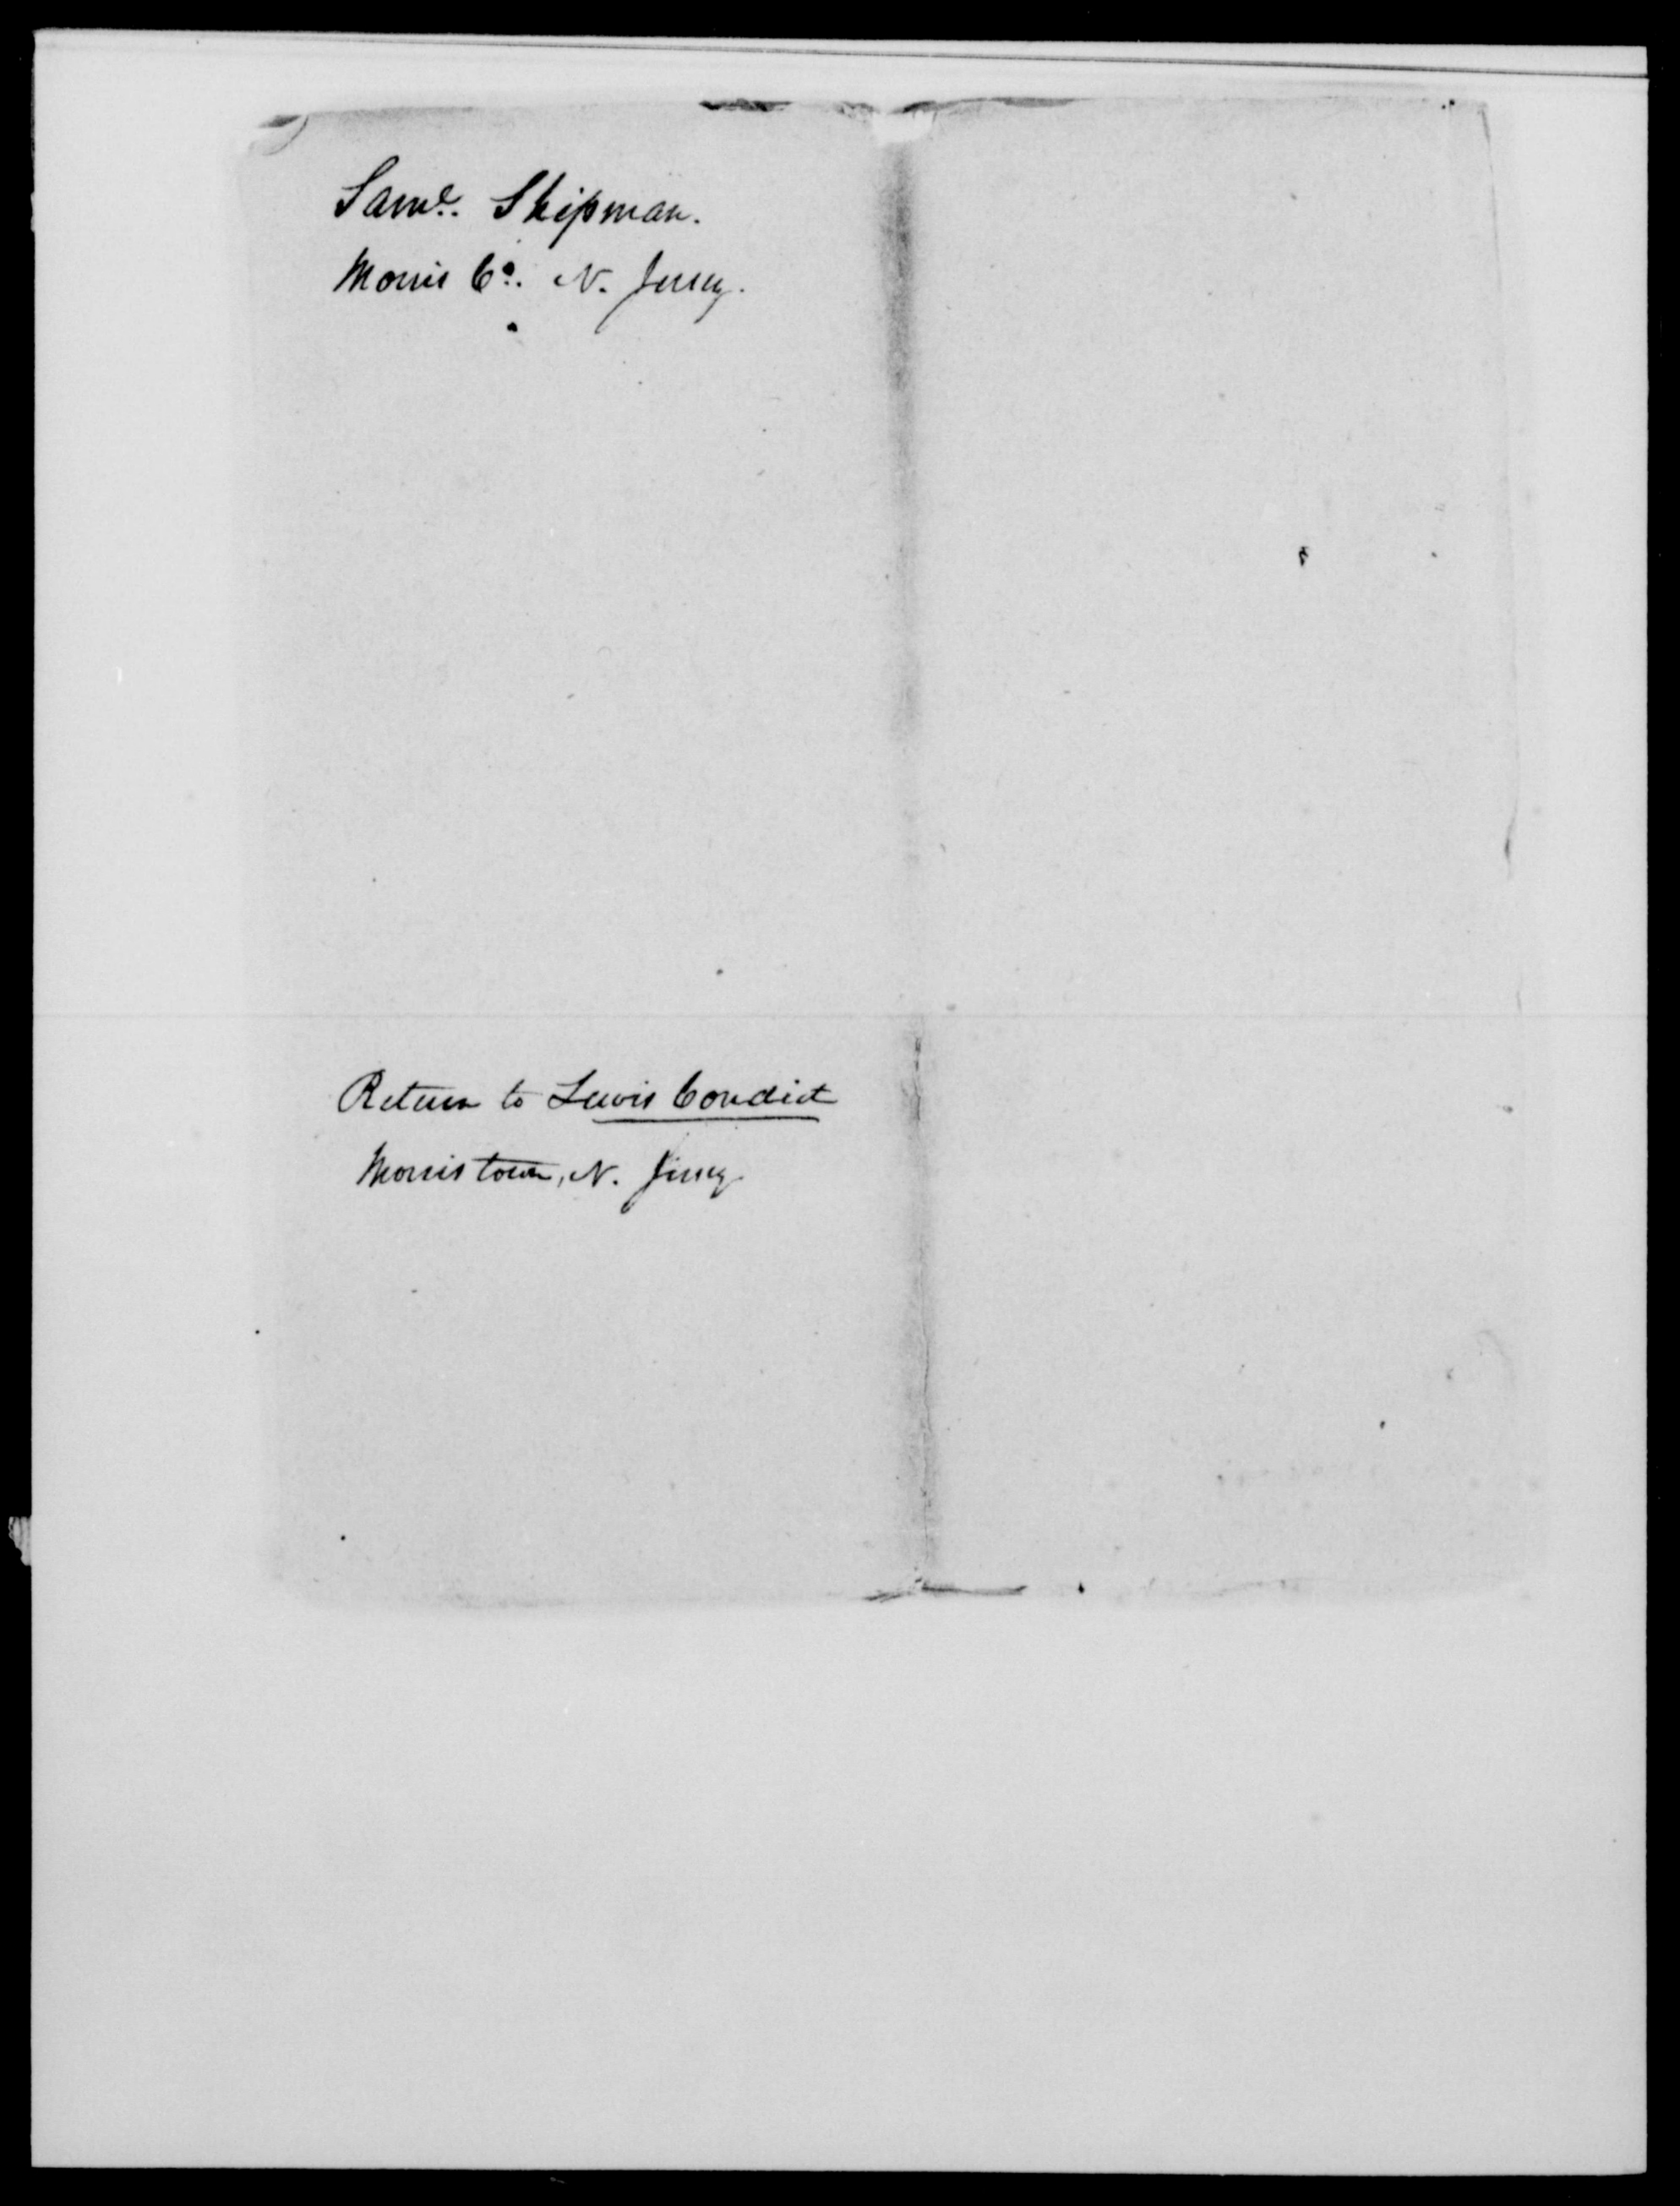Saml. Shipman
Morris Co. N. Jersey

Return to Lewis Condict
Morristown, N. Jersey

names: Saml Shipman; Lewis Condict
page: 35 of 44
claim: survivor's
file: S. 912, for Samuel Shipman, New Jersey